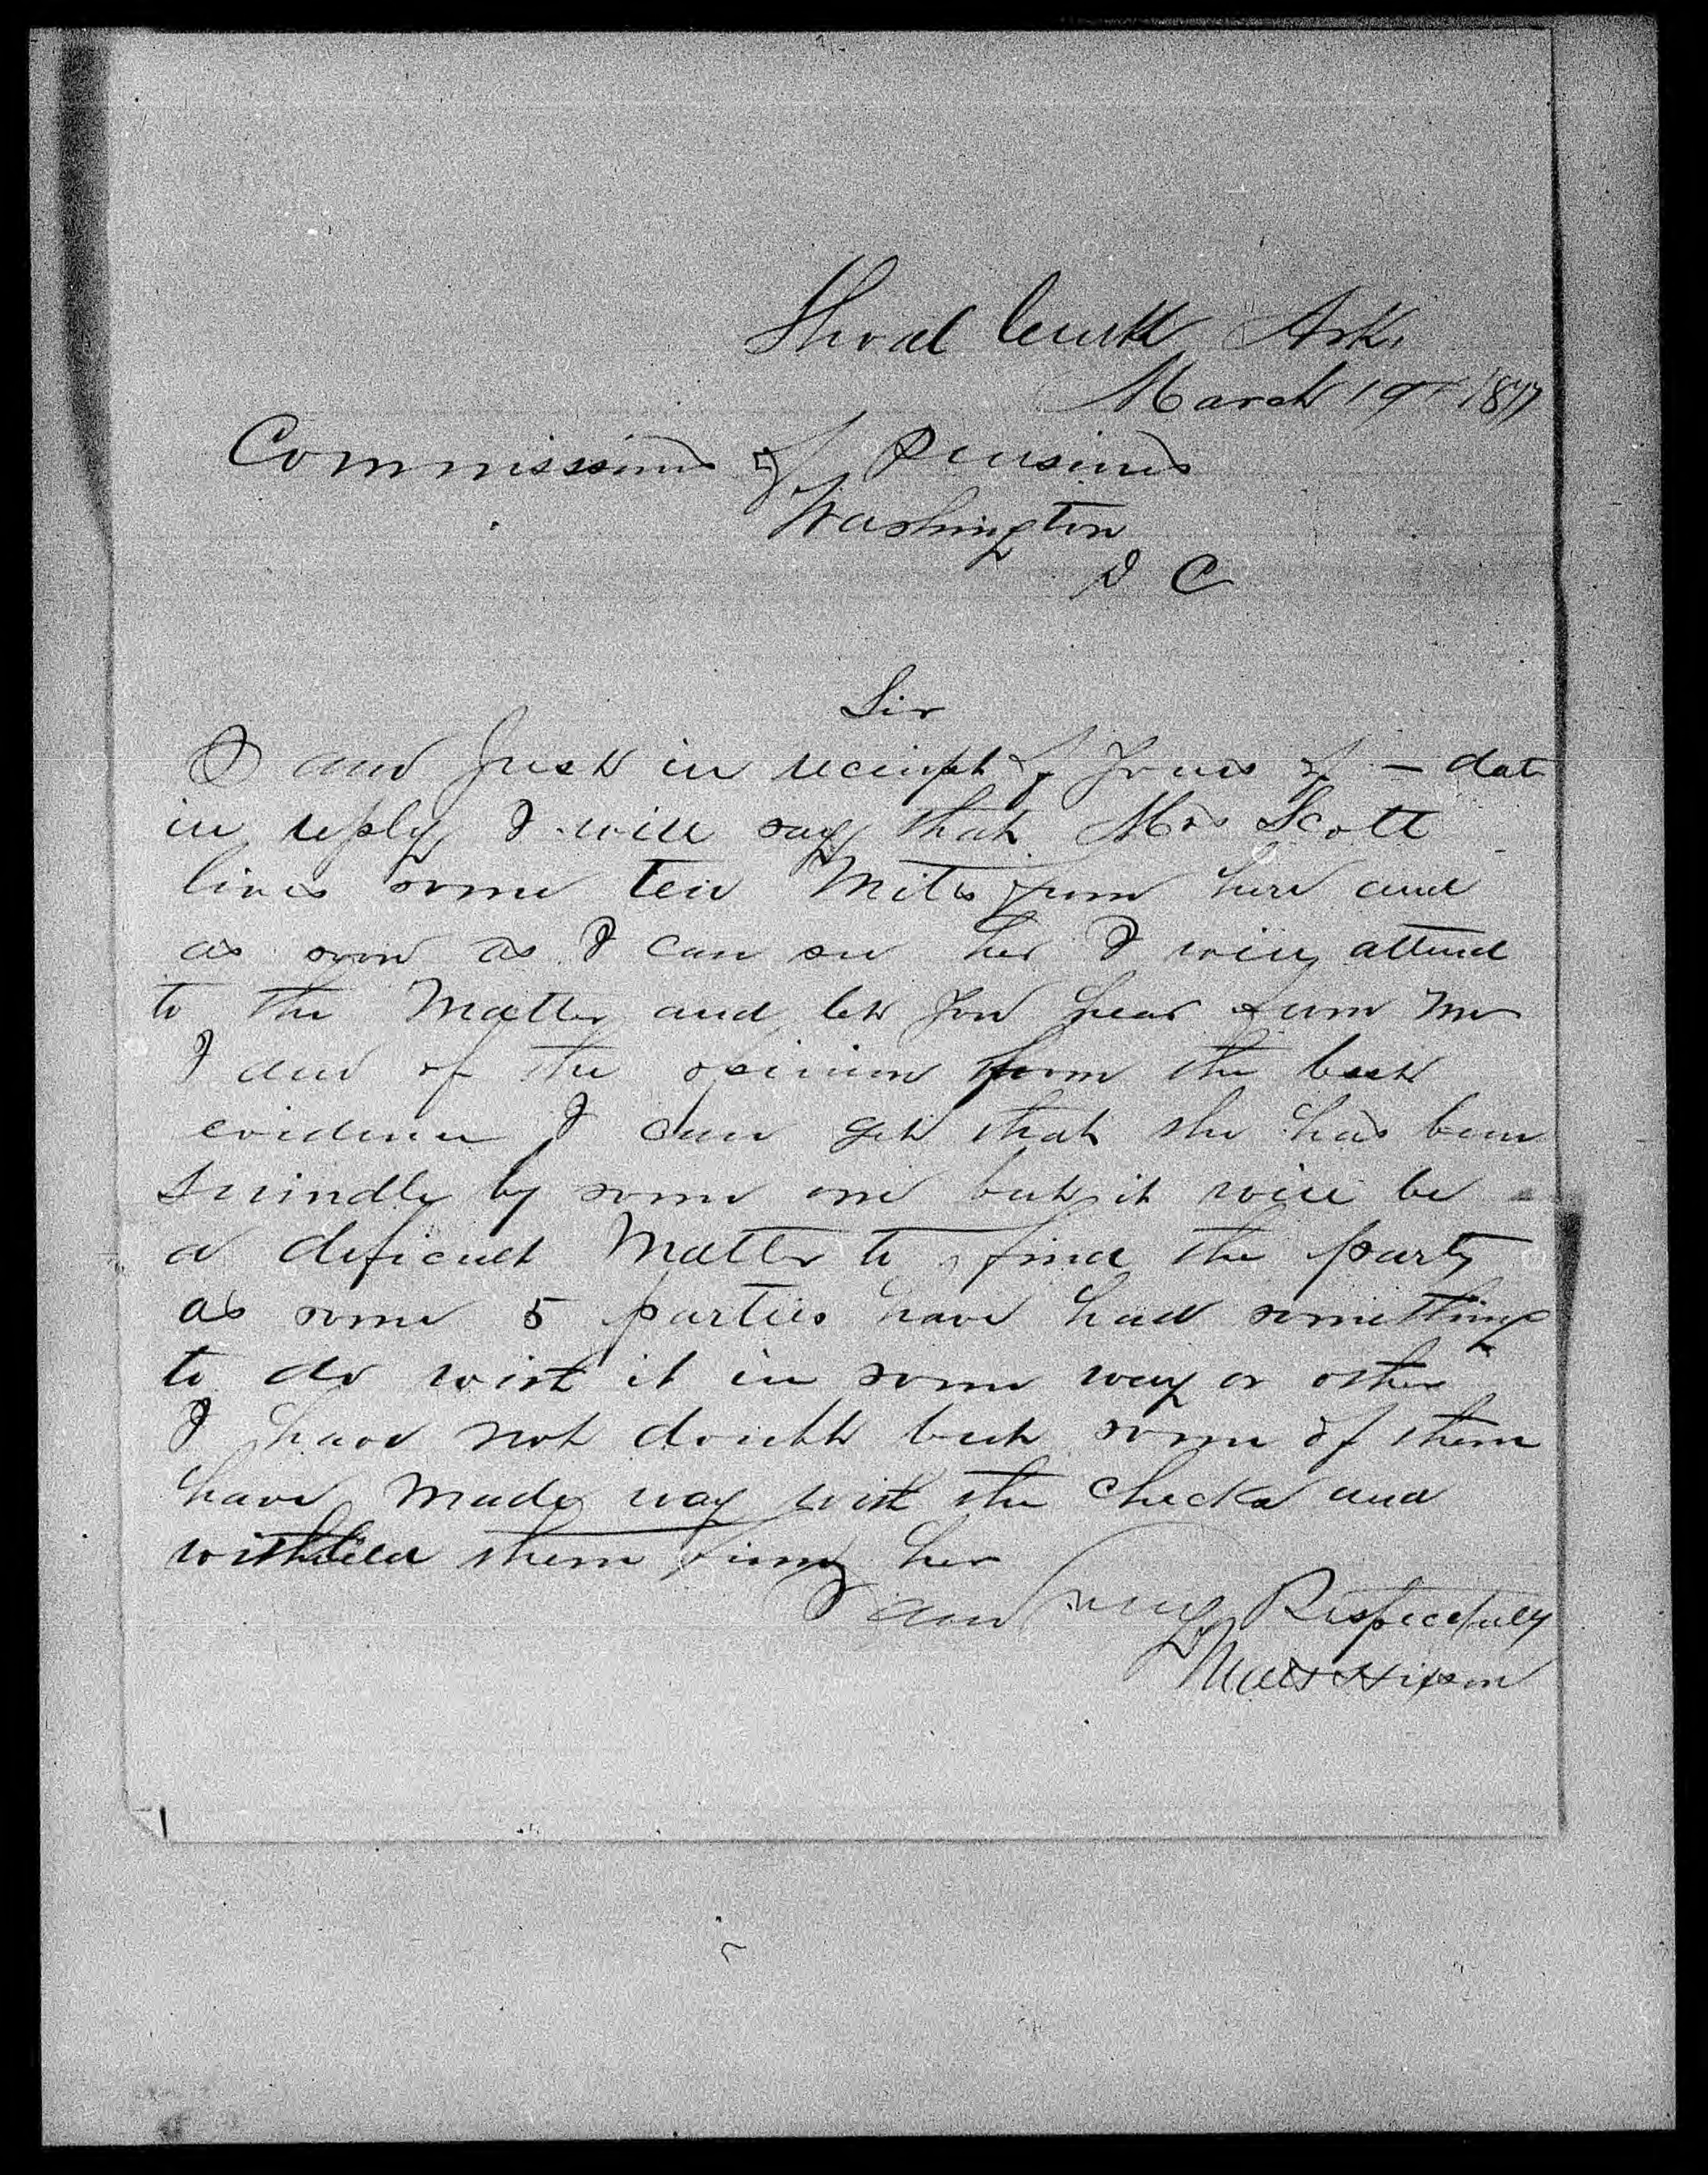Shoal Creek Ark.
March 19th 1877
Commissioner of Pensions
Washington D C
Sir
I am just in receipt of yours of  - date in reply I will say that Mrs Scott lives some ten miles from here and soon as I can see her I may attend to the matter and let you hear from me

I am of the opinion from the best evidence I can get that she has been swindled by some one but it will be a difficult matter to find the party as some 5 parties have had something to do with it in some way or other

I have not doubt but some of them have made may with the check and withheld from her
Respectfully
Matt Hixson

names: [BLANK] Scott; Matt Hixson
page: 87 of 115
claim: widow's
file: W. 1446, for John Mc Clung, South Carolina